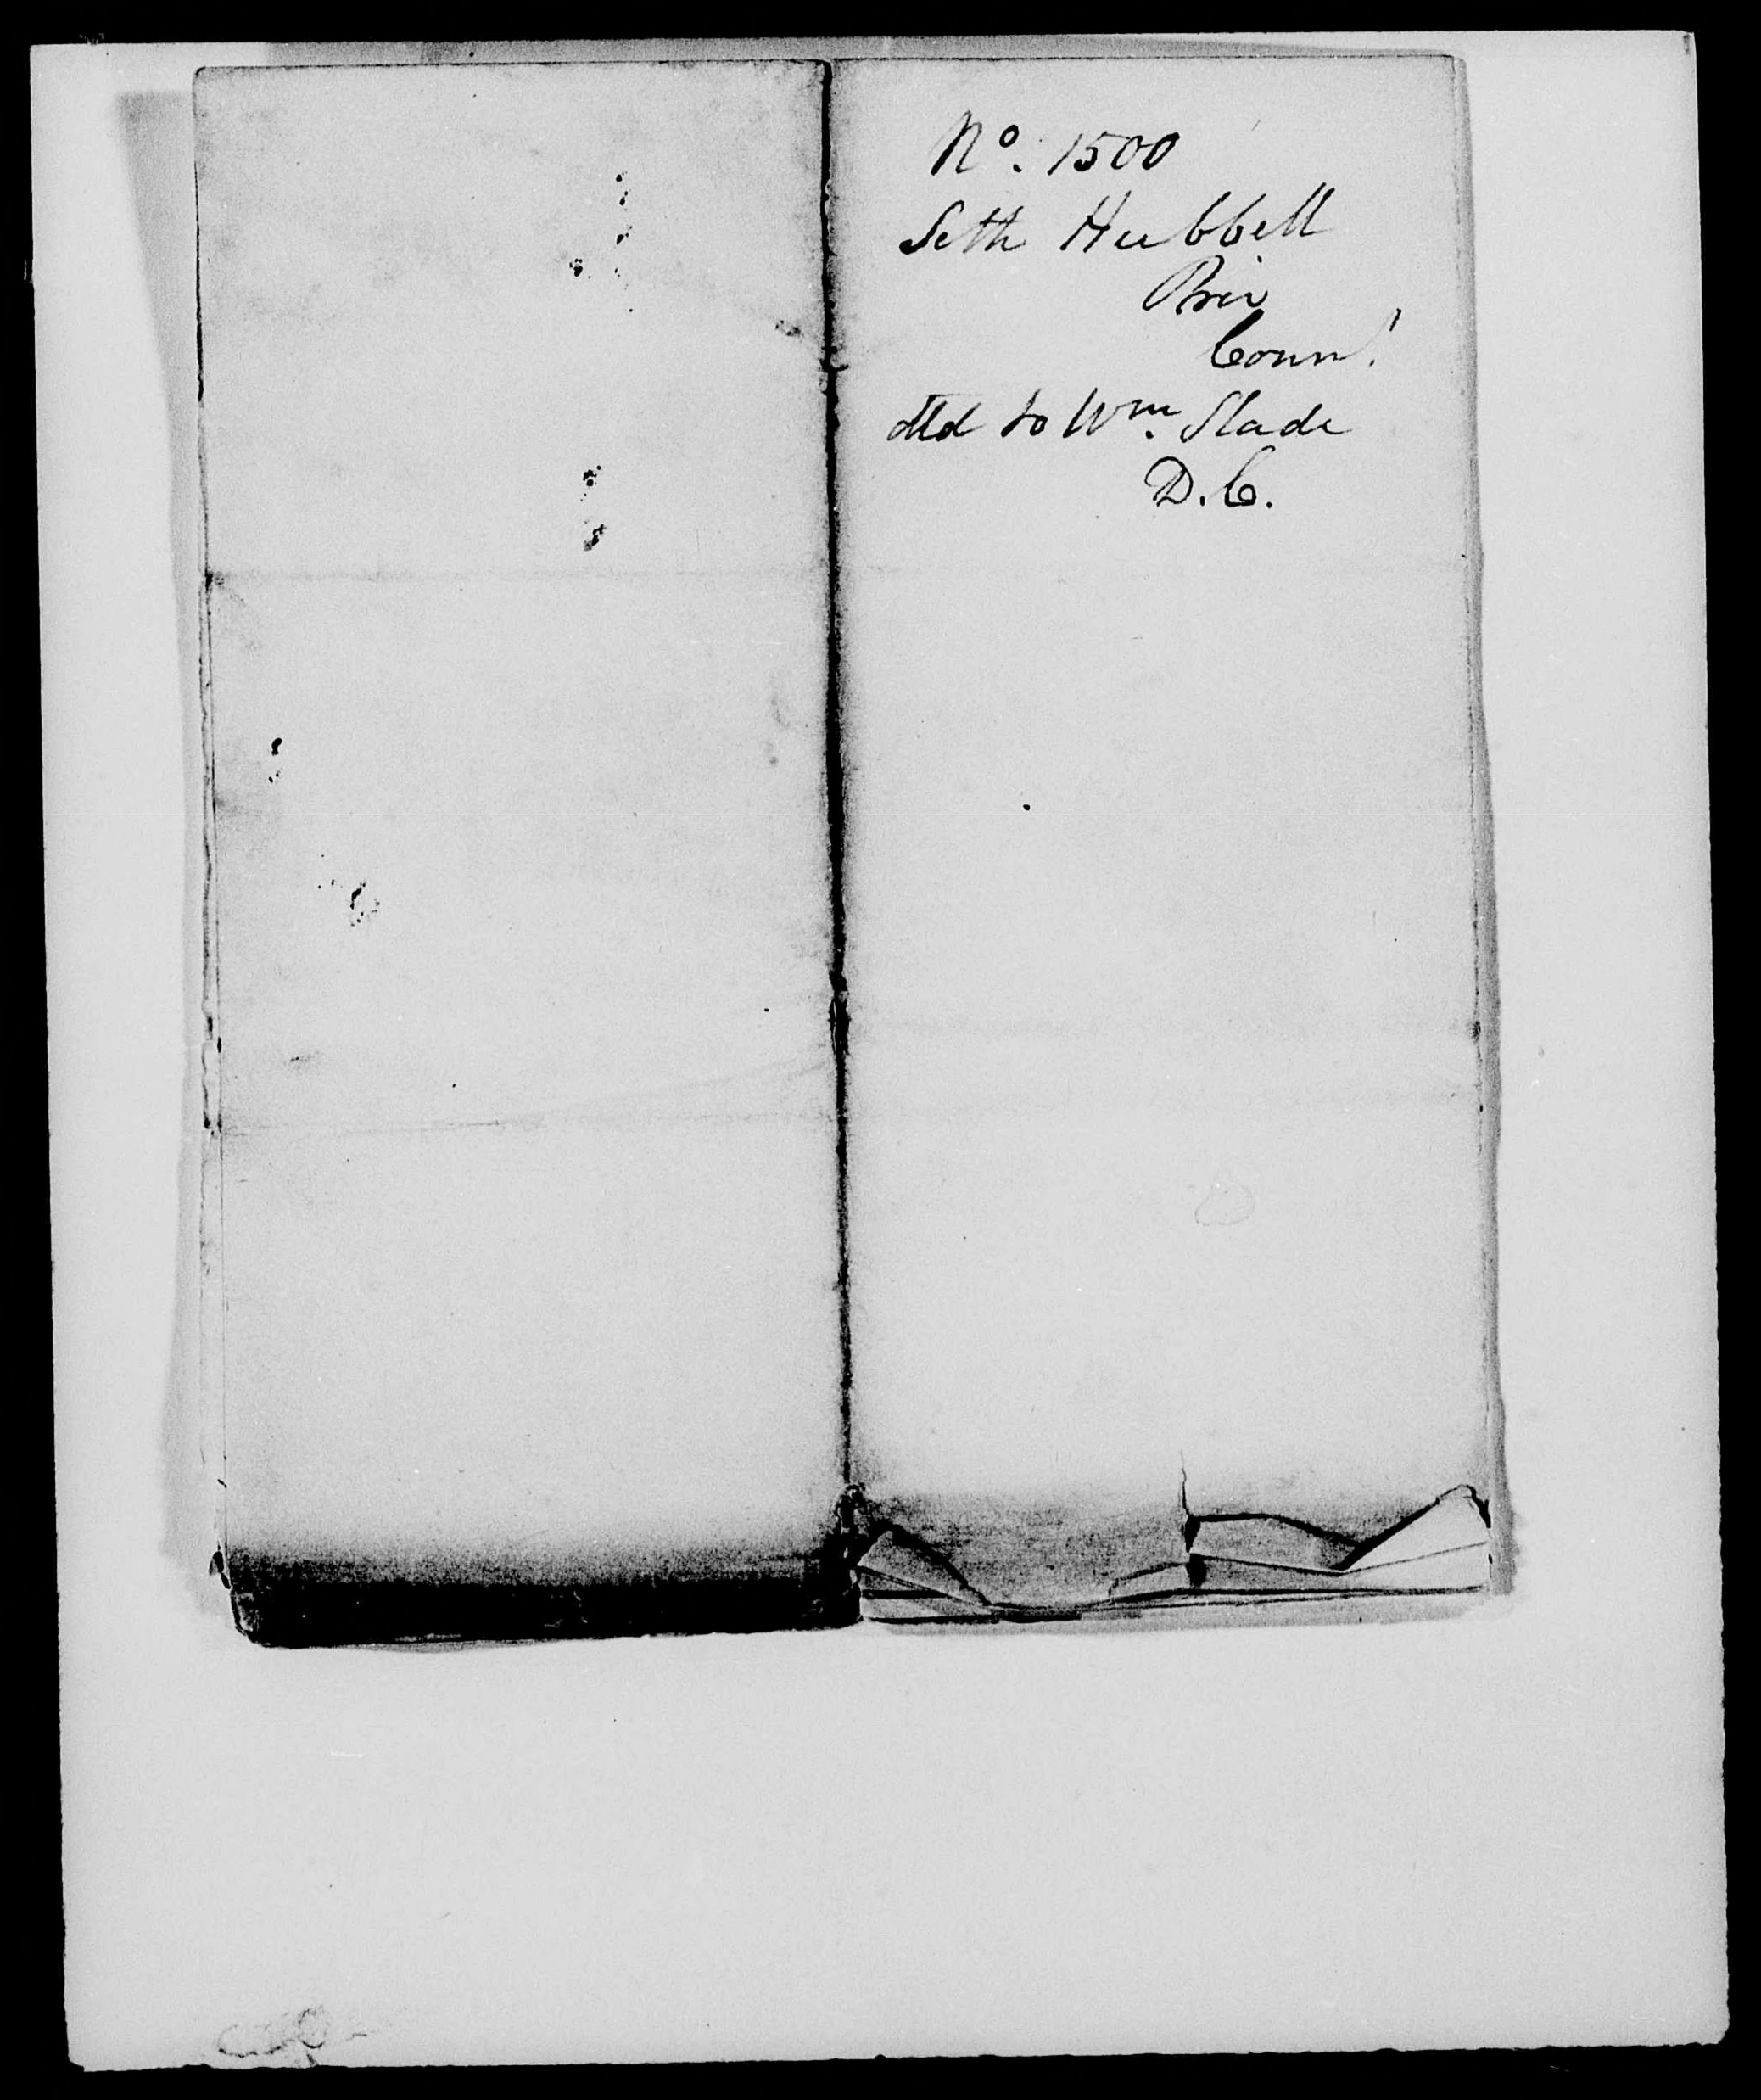No. 1500
Seth Hubbell
Pri
Conn.
Md to Wm Slade
D.C.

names: Wm Slade, Seth Hubbell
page: 111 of 114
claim: widow's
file: W. 2115, Seth Hubbell, Conn.